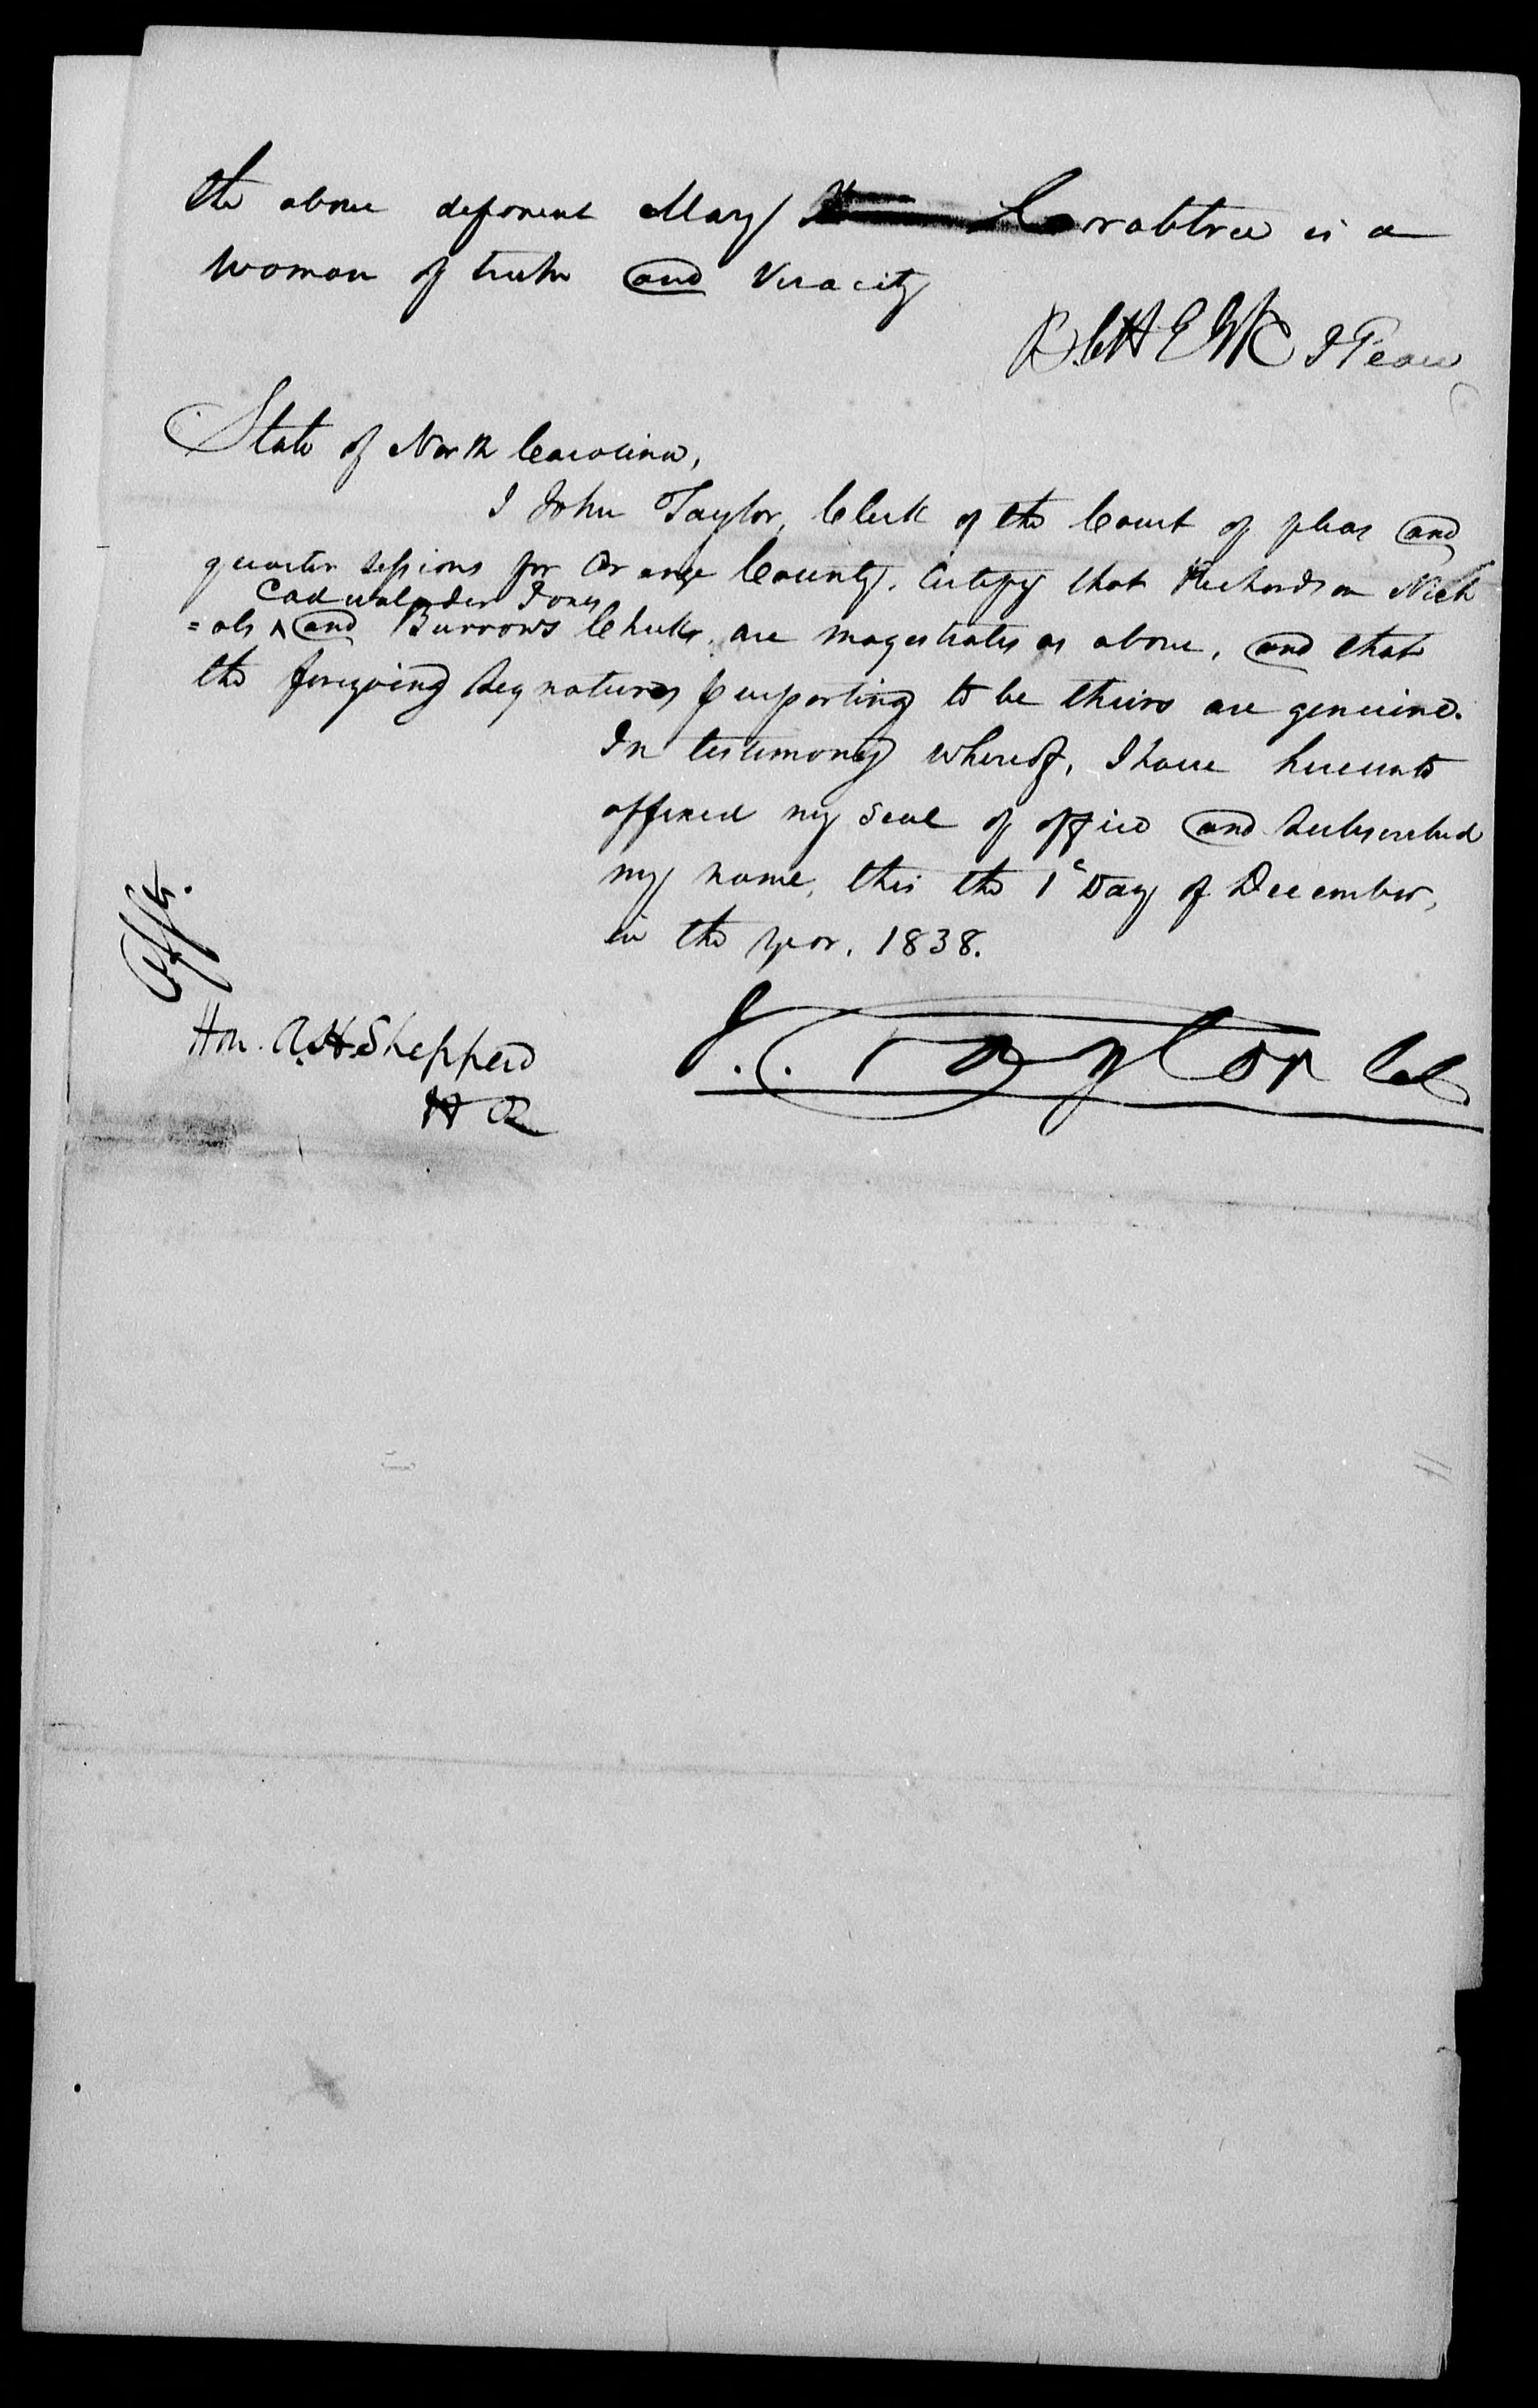[Handwritten record. Second and final page of Mary Crabtree's statement.]

the above deponent Mary [here there are some illegible letters which have been stricken through] Crabtree is a Woman of truth and Veracity
[Signature, difficult to read for certain, possibly:] B. CHEEK [or B. CHECK] J Peace [Justice of the Peace]

State of North Carolina,
I John Taylor, Clerk of the Court of pleas and quarter Sessions for Orange County, Certify that Richardson Nichols, ^Cadwalader Jones and Burrows Cheek [or Chuk], are Magestrates [Majestrates] as above, and that the foregoing Signatures purporting to be theirs are genuine. 

In testimony whereof, I have hereunto affixed my Seal of office and Subscribed my name, this the 1st Day of December, in the year, 1838.
[Signature in dark ink:]  J. Taylor CC [probably meaning Clerk of the Court] 

[Near the page margin on the left side, there is written perpendicularly:] Affts. [probably meaning Affidavits.]

Hon. A. H. Shepperd
HR [House of Representatives]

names: B C Herk, Burrows Chuk, Mary Crabtree, John Taylor, J Cray Cox, A H Shepperd, Richardson Nichols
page: 125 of 145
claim: survivor's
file: S. 8265, William Cumming, N.C.